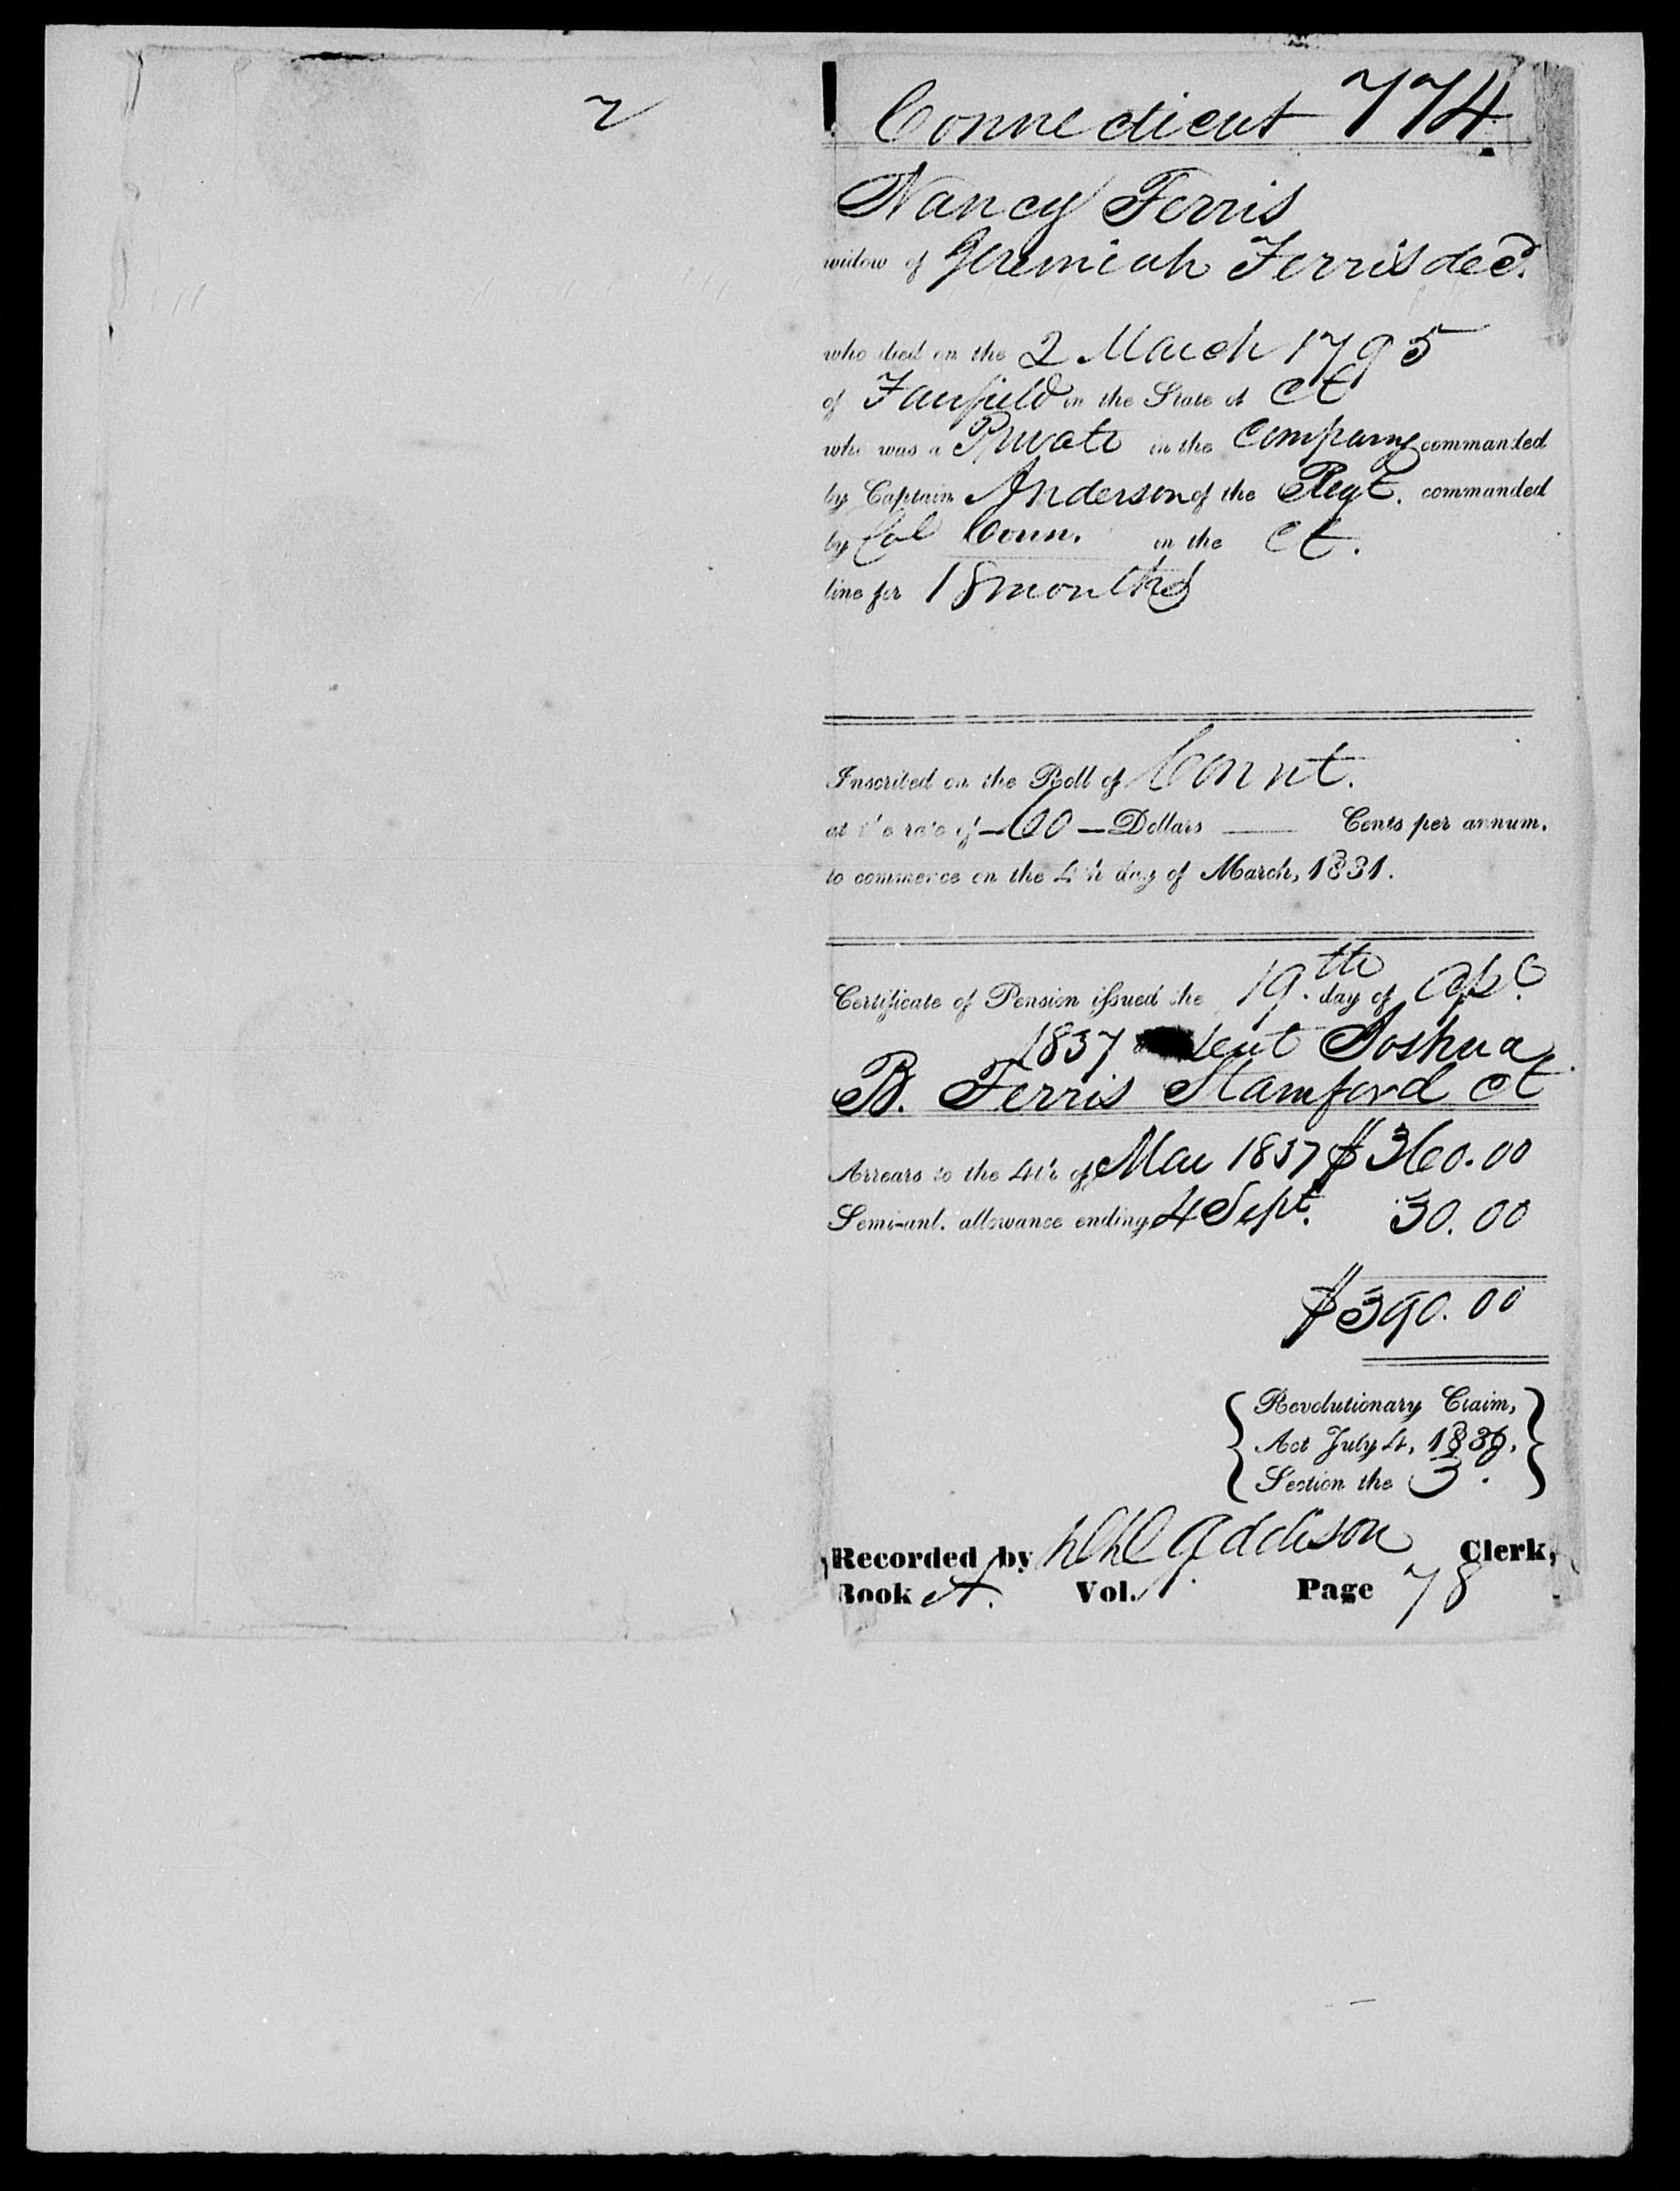Connecticut 774
Nancy Ferris 
widow of Jeremiah Ferris dec. 
who died on the 2 March 1795 
at Fairfield in the State of Ct 
who was a Private in the Company commanded by Captain Anderson of the Regt. commanded by Col Conn in the Ct line for 18 months

Inscribed on the Roll of Connt  at the rate of 60 dollars (blank) cents per annum, to commence on the 4th day of March, 1831

Certificate of Pension issued the 19th day of Apr 1837 Leut Joshua B Ferris Stamford, Ct 
Arrears to the 4th of Mar 1837          $360.00 
Semi-anl allowance ending 4 Sept     $30.00
                                                           _____________
                                                           #390.00
Revolutionary Claim
Act July 3, 1836
Section the 3
Recorded by D D Addison
Book Q Vol 1 Page 78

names: D D Addison, Anderson, Conn, Nancy Ferris, Jeremiah Ferris, Joshua B Ferris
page: 3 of 14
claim: widow's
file: W. 17897, Jeremiah Ferris, Conn.